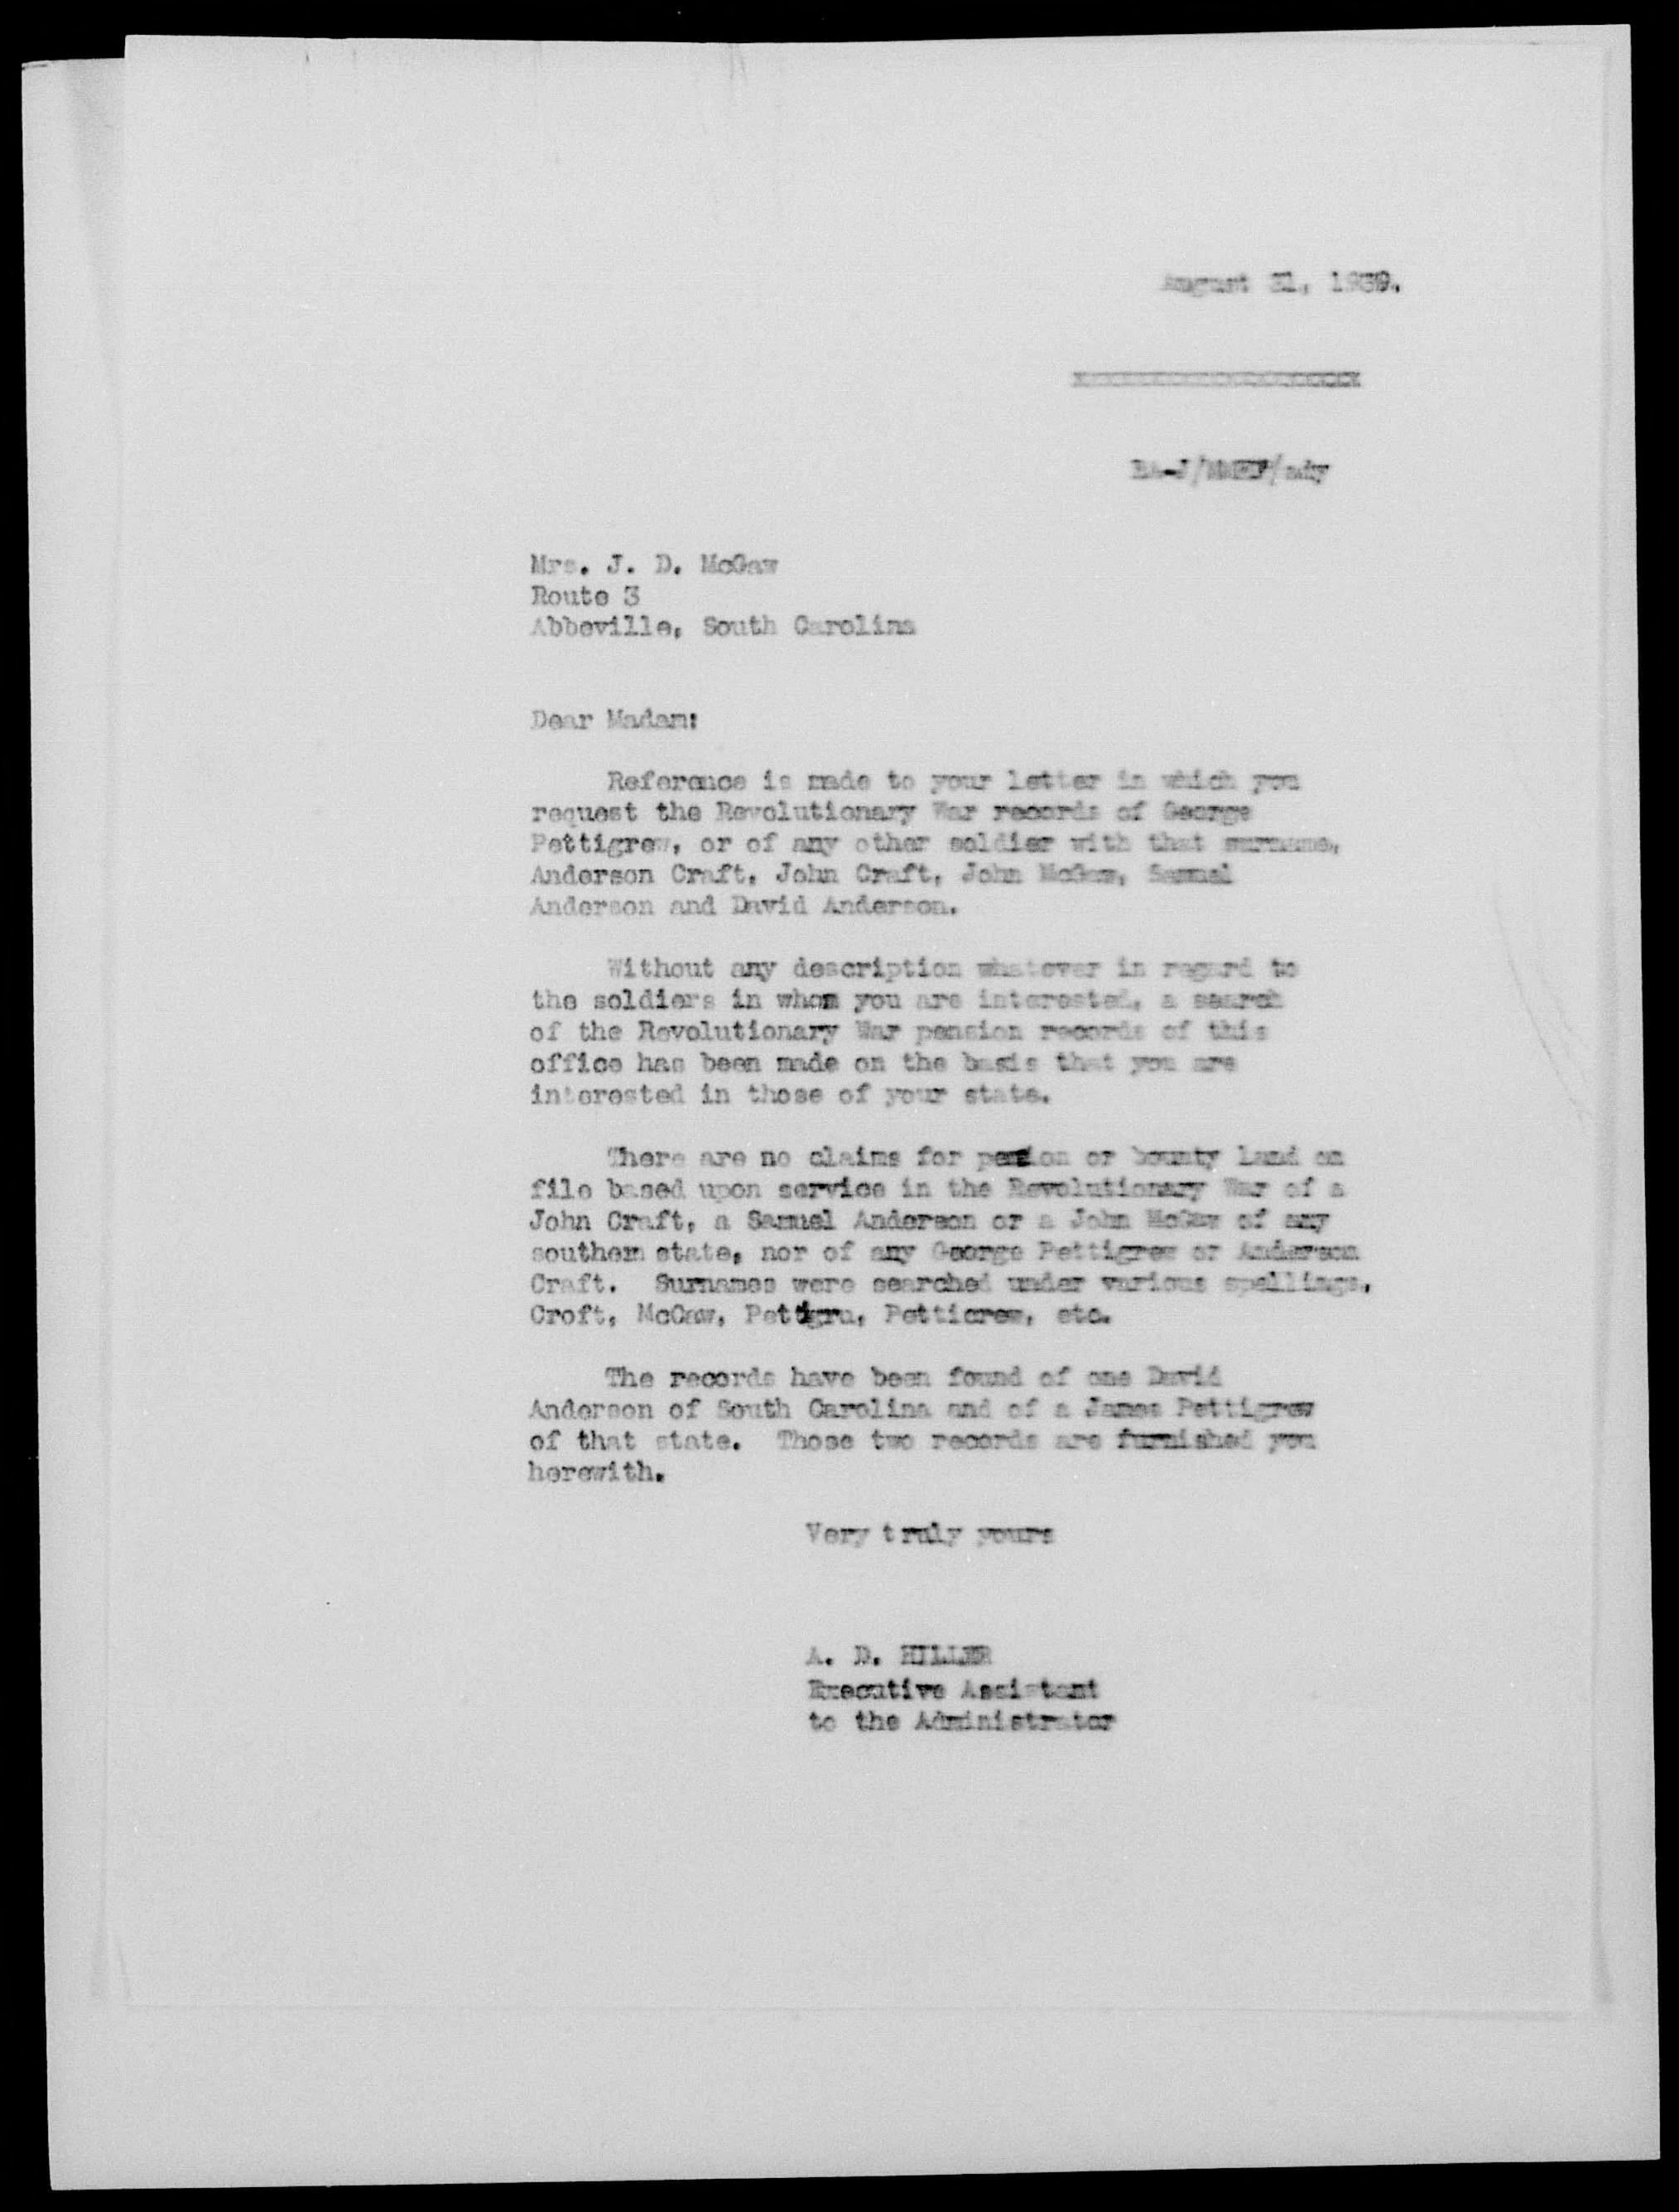August 31, 1939,
xxxxxxxxxxxxx
BA-J/IDEF/ady

Mrs. J. D. McGaw
Route 3
Abbeville, South Carolina

Dear Madam:
Reference is made to your letter in which you request the Revolutionary War records of George Pettigrew, or of any ither soldier with that surname, Anderson Craft, John Craft, John McGaw, Samal Anderson and David Anderson.
Without an description whatever is whstover in regard to the soldiers in whom you are interested, a search of the Revolutionary War pension record of this office has been made on the basis that you are interested in those of your state.
There are no claims for pension or bounty Land on file based upon service in the Revolutionary War of a John Craft, a Samuel Anderson or a John McGaw of any southern state, nor of any George Pettigrew or Anderson Craft. Surnames were searched under various spellings, Croft, McCaw, Pettigru, Pettigcrew, etc.
The records have been found of one David Anderson of South Carolina and of a James Pettigrew of that state. Those two records are furnished you herewith.
Very truly yours

A. D. Hiller
Executive Assistant
to the Administrator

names: J D Mc Gaw; David Anderson; John Craft; George Pettigrew; [BLANK] Mc Gaw; John Mc Gaw; [BLANK] Pettigra; Anderson Craft; A D Hiller; [BLANK] Petticrew; Samuel Anderson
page: 79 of 92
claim: widow's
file: W. 5522, for James Pettigrew, South Carolina